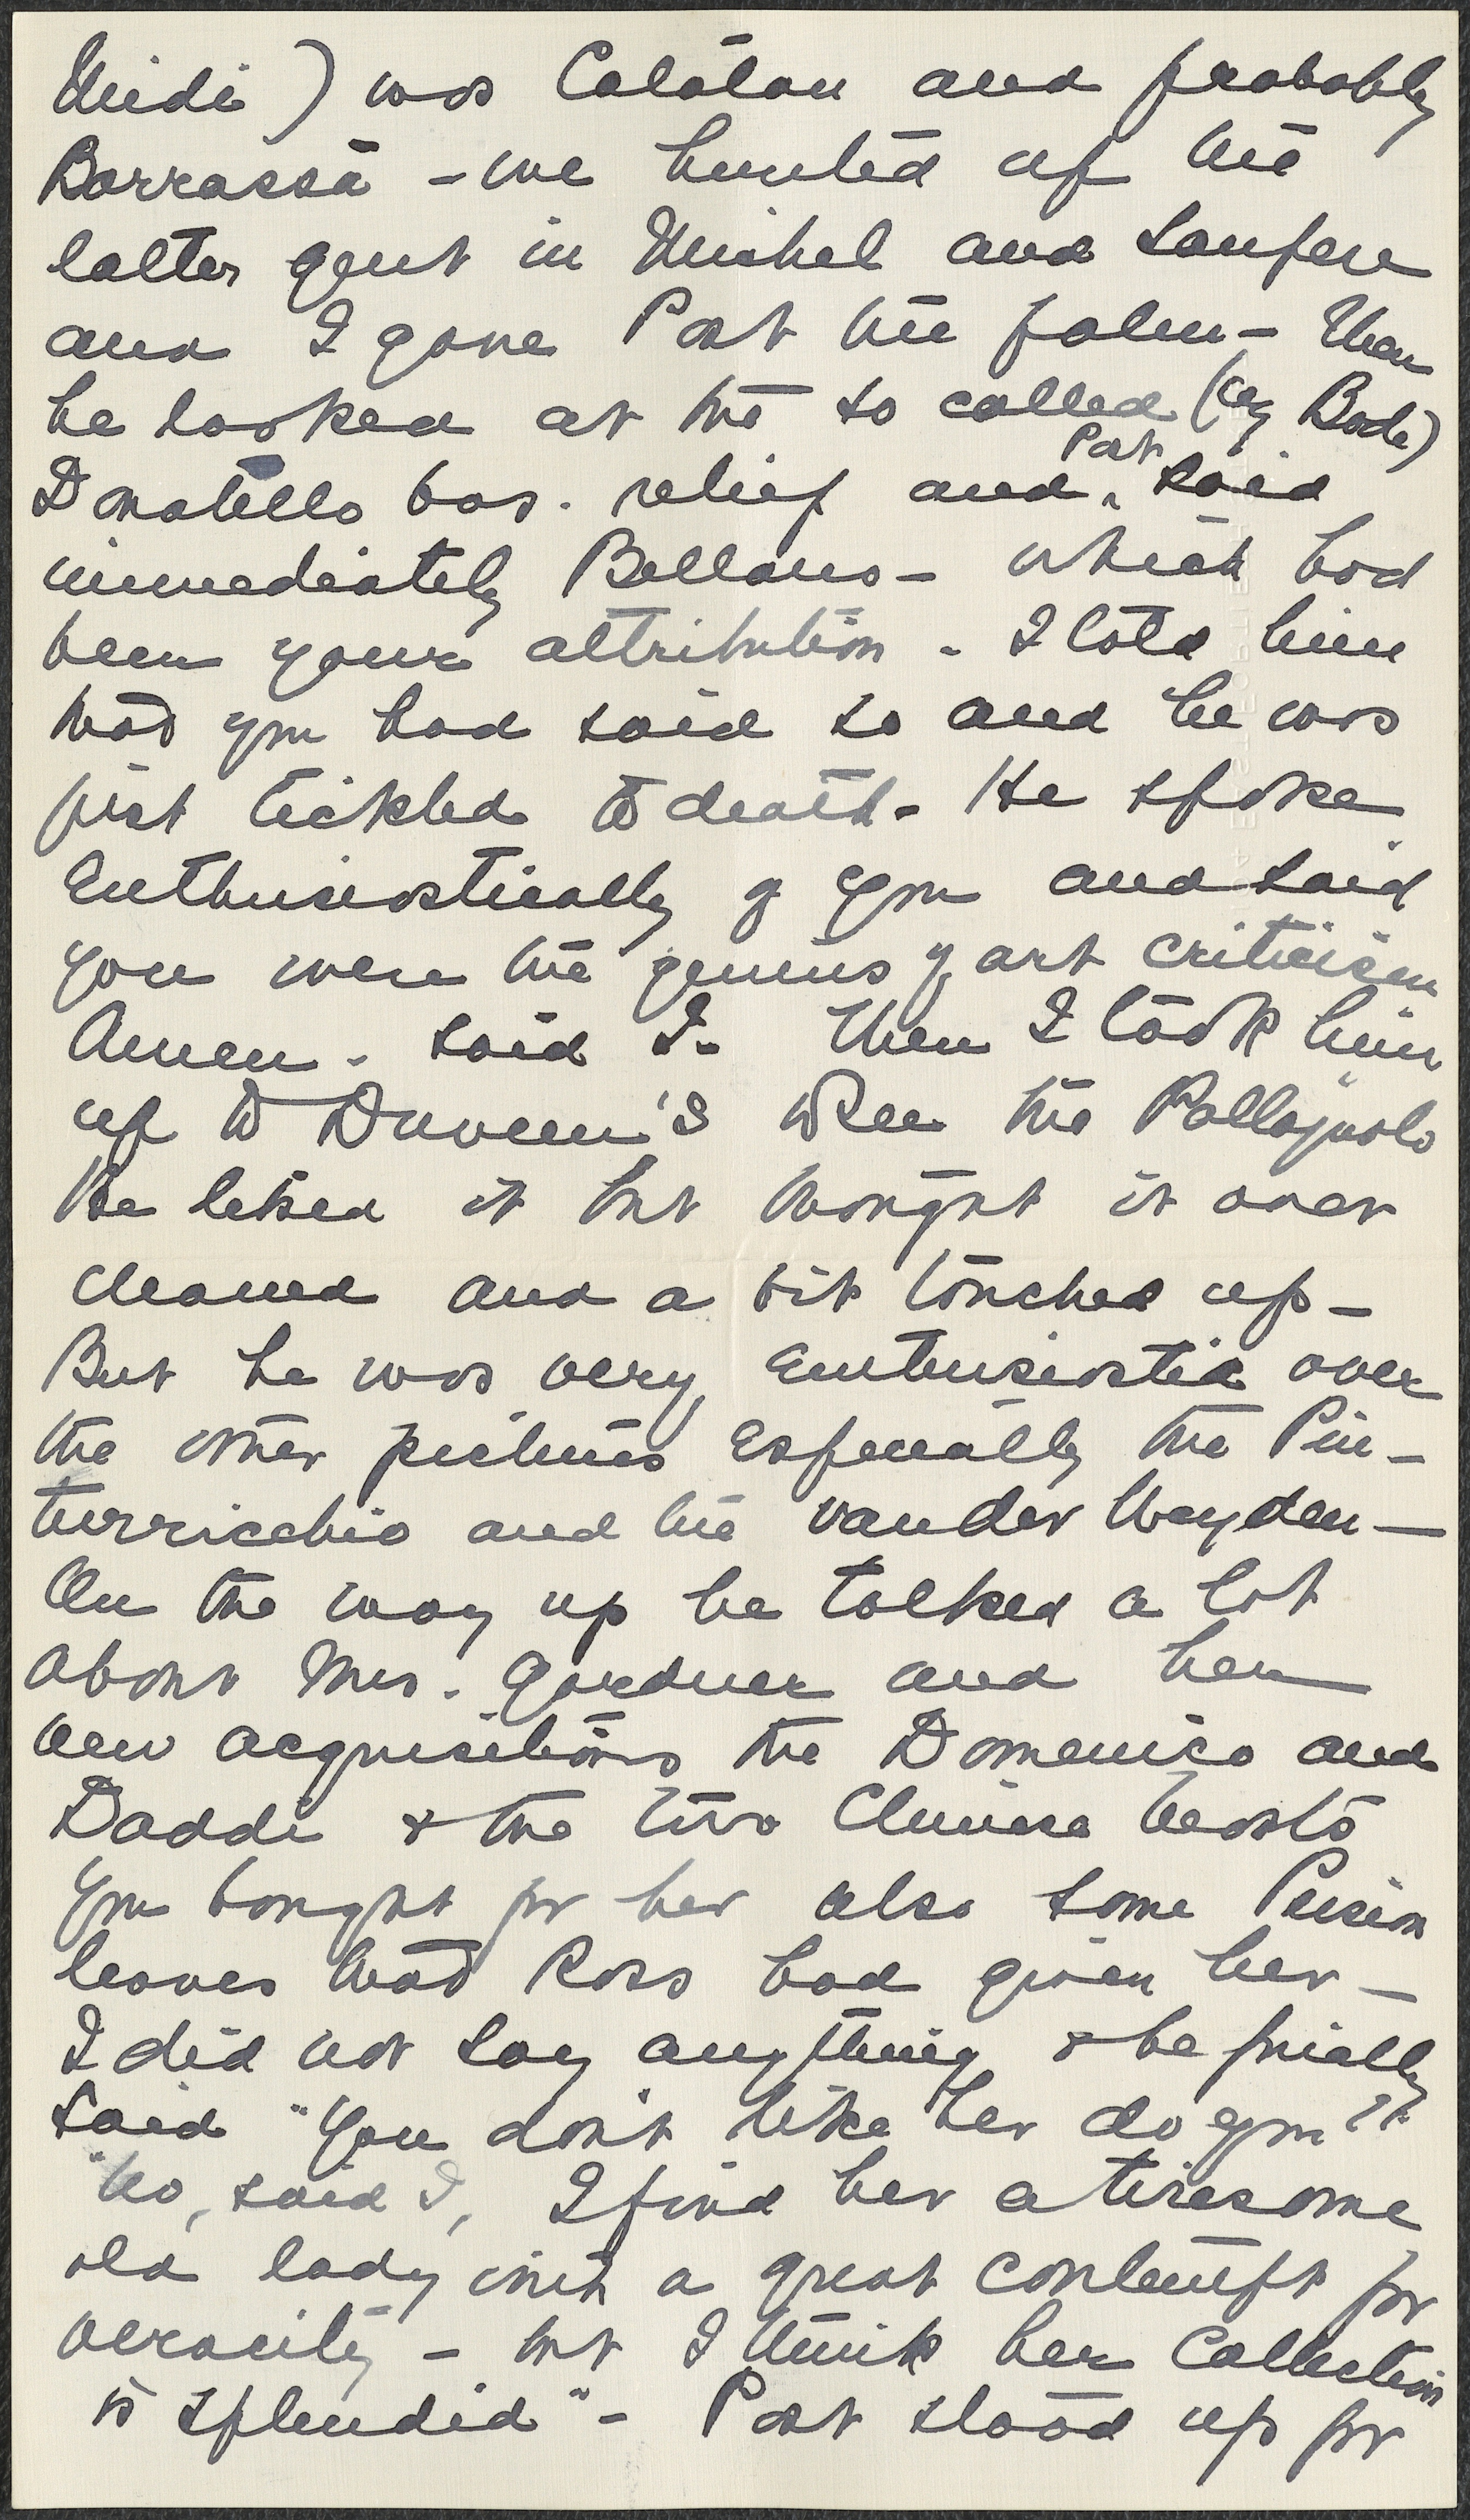Midi [sic]) was Catalan and probably Borrassà – we hunted up the latter gent in Michel and Sanper and I gave Post the palm – Then he looked at the so called (by Bode) Donatello bas-relief and [^Post^] said immediately Bellano – which had been your attribution – I told him that you had said so and he was just tickled to death – He spoke enthusiastically of you and said you were the genius of art criticism
Amen – said I – Then I took him up to Duveen’s to see the Pollaiuolo
He liked it but thought it over cleaned and a bit touched up – But he was very enthusiastic over the other pictures especially the Pinturicchio and the Van Der Weyden –
On the way up he talked a lot about Mrs. Gardner and her new acquisitions the Domenico and Daddi & the two Chinese beasts you bought for her also some Persian leaves that Ross had given her – I did not say anything & he finally said “You don’t like her do you?” “No, said I, I find her a tiresome old lady with a great contempt for veracity – but I think her collection is splendid” – Post stood up for